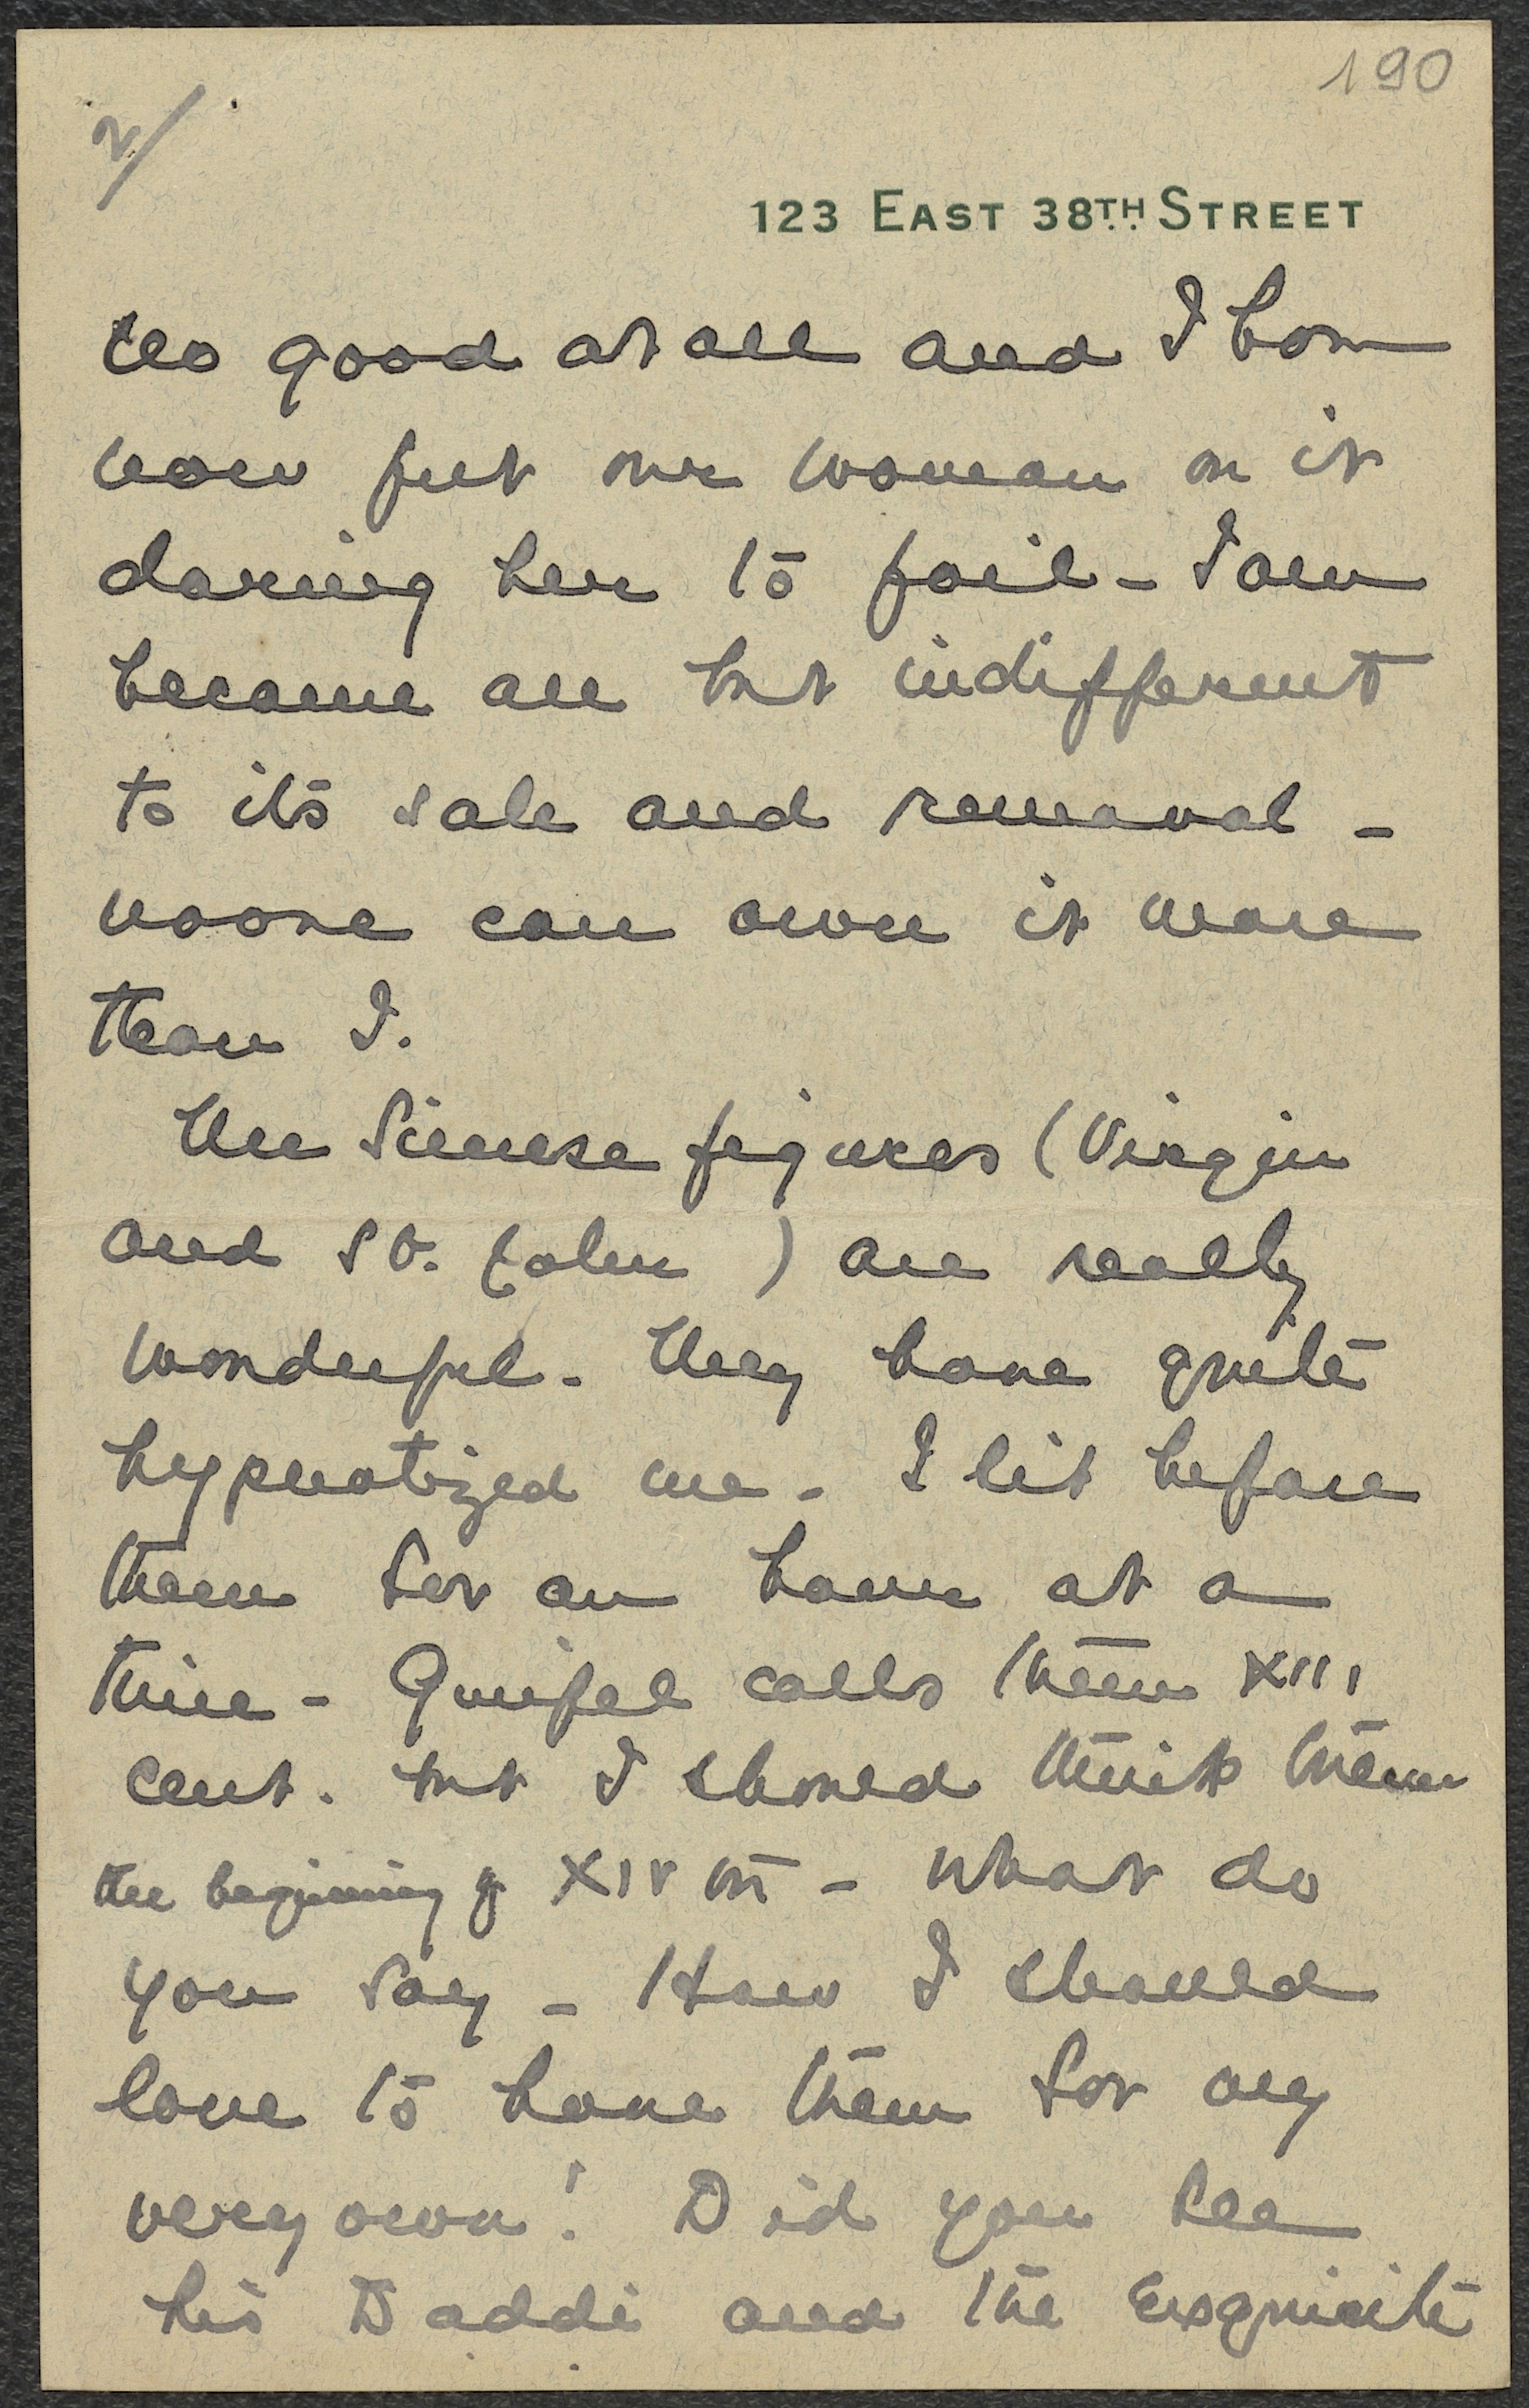no good at all and I have now put our woman on it daring her to fail – I am become all but indifferent to its sale and removal – noone [sic] can own it more than I.
The Sienese figures (Virgin and St. John) are really wonderful. They have quite hypnotized me – I sit before them for an hour at a time – Gimpel calls them XIII cent. but I should think them the beginning of XIVth – What do you say – How I should love to have them for my very own! Did you see his Daddi and the Exquisite